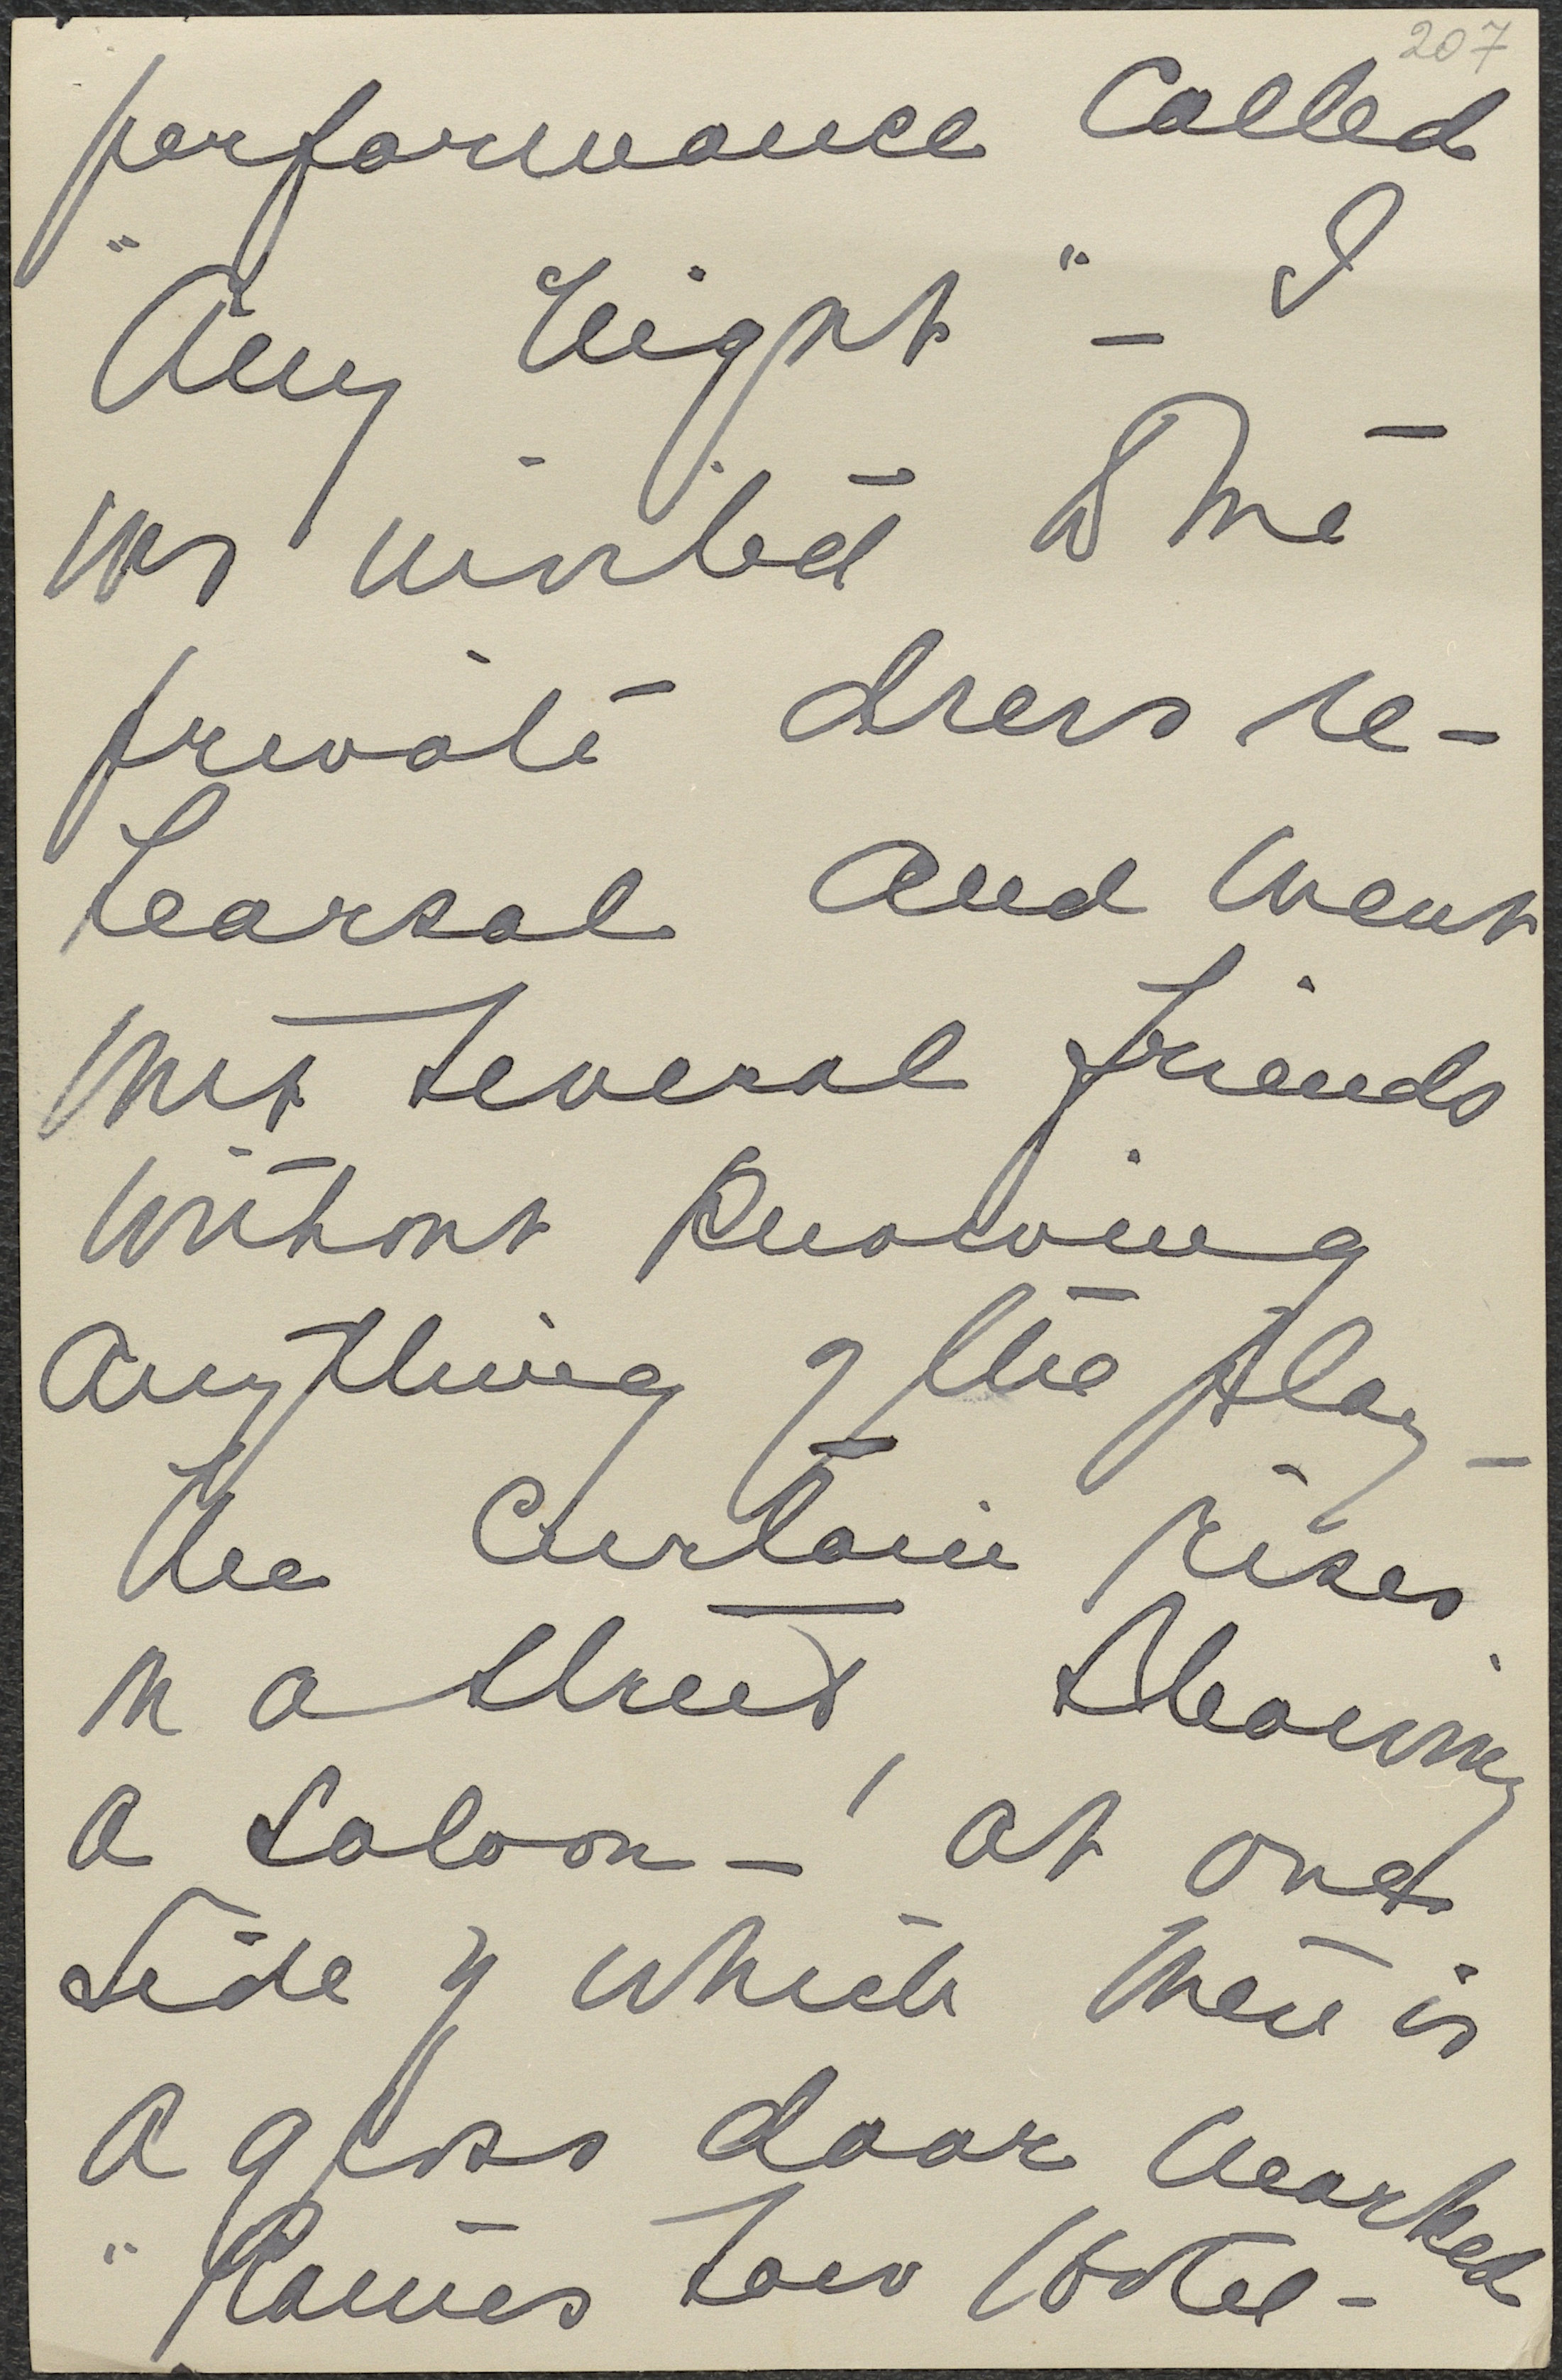performance called “Any Night” – I was invited to the private dress rehearsal and went with several friends without knowing anything of the play – curtain rises on a street, showing a saloon – at one side of which there is a glass door marked “Raines Law Hotel